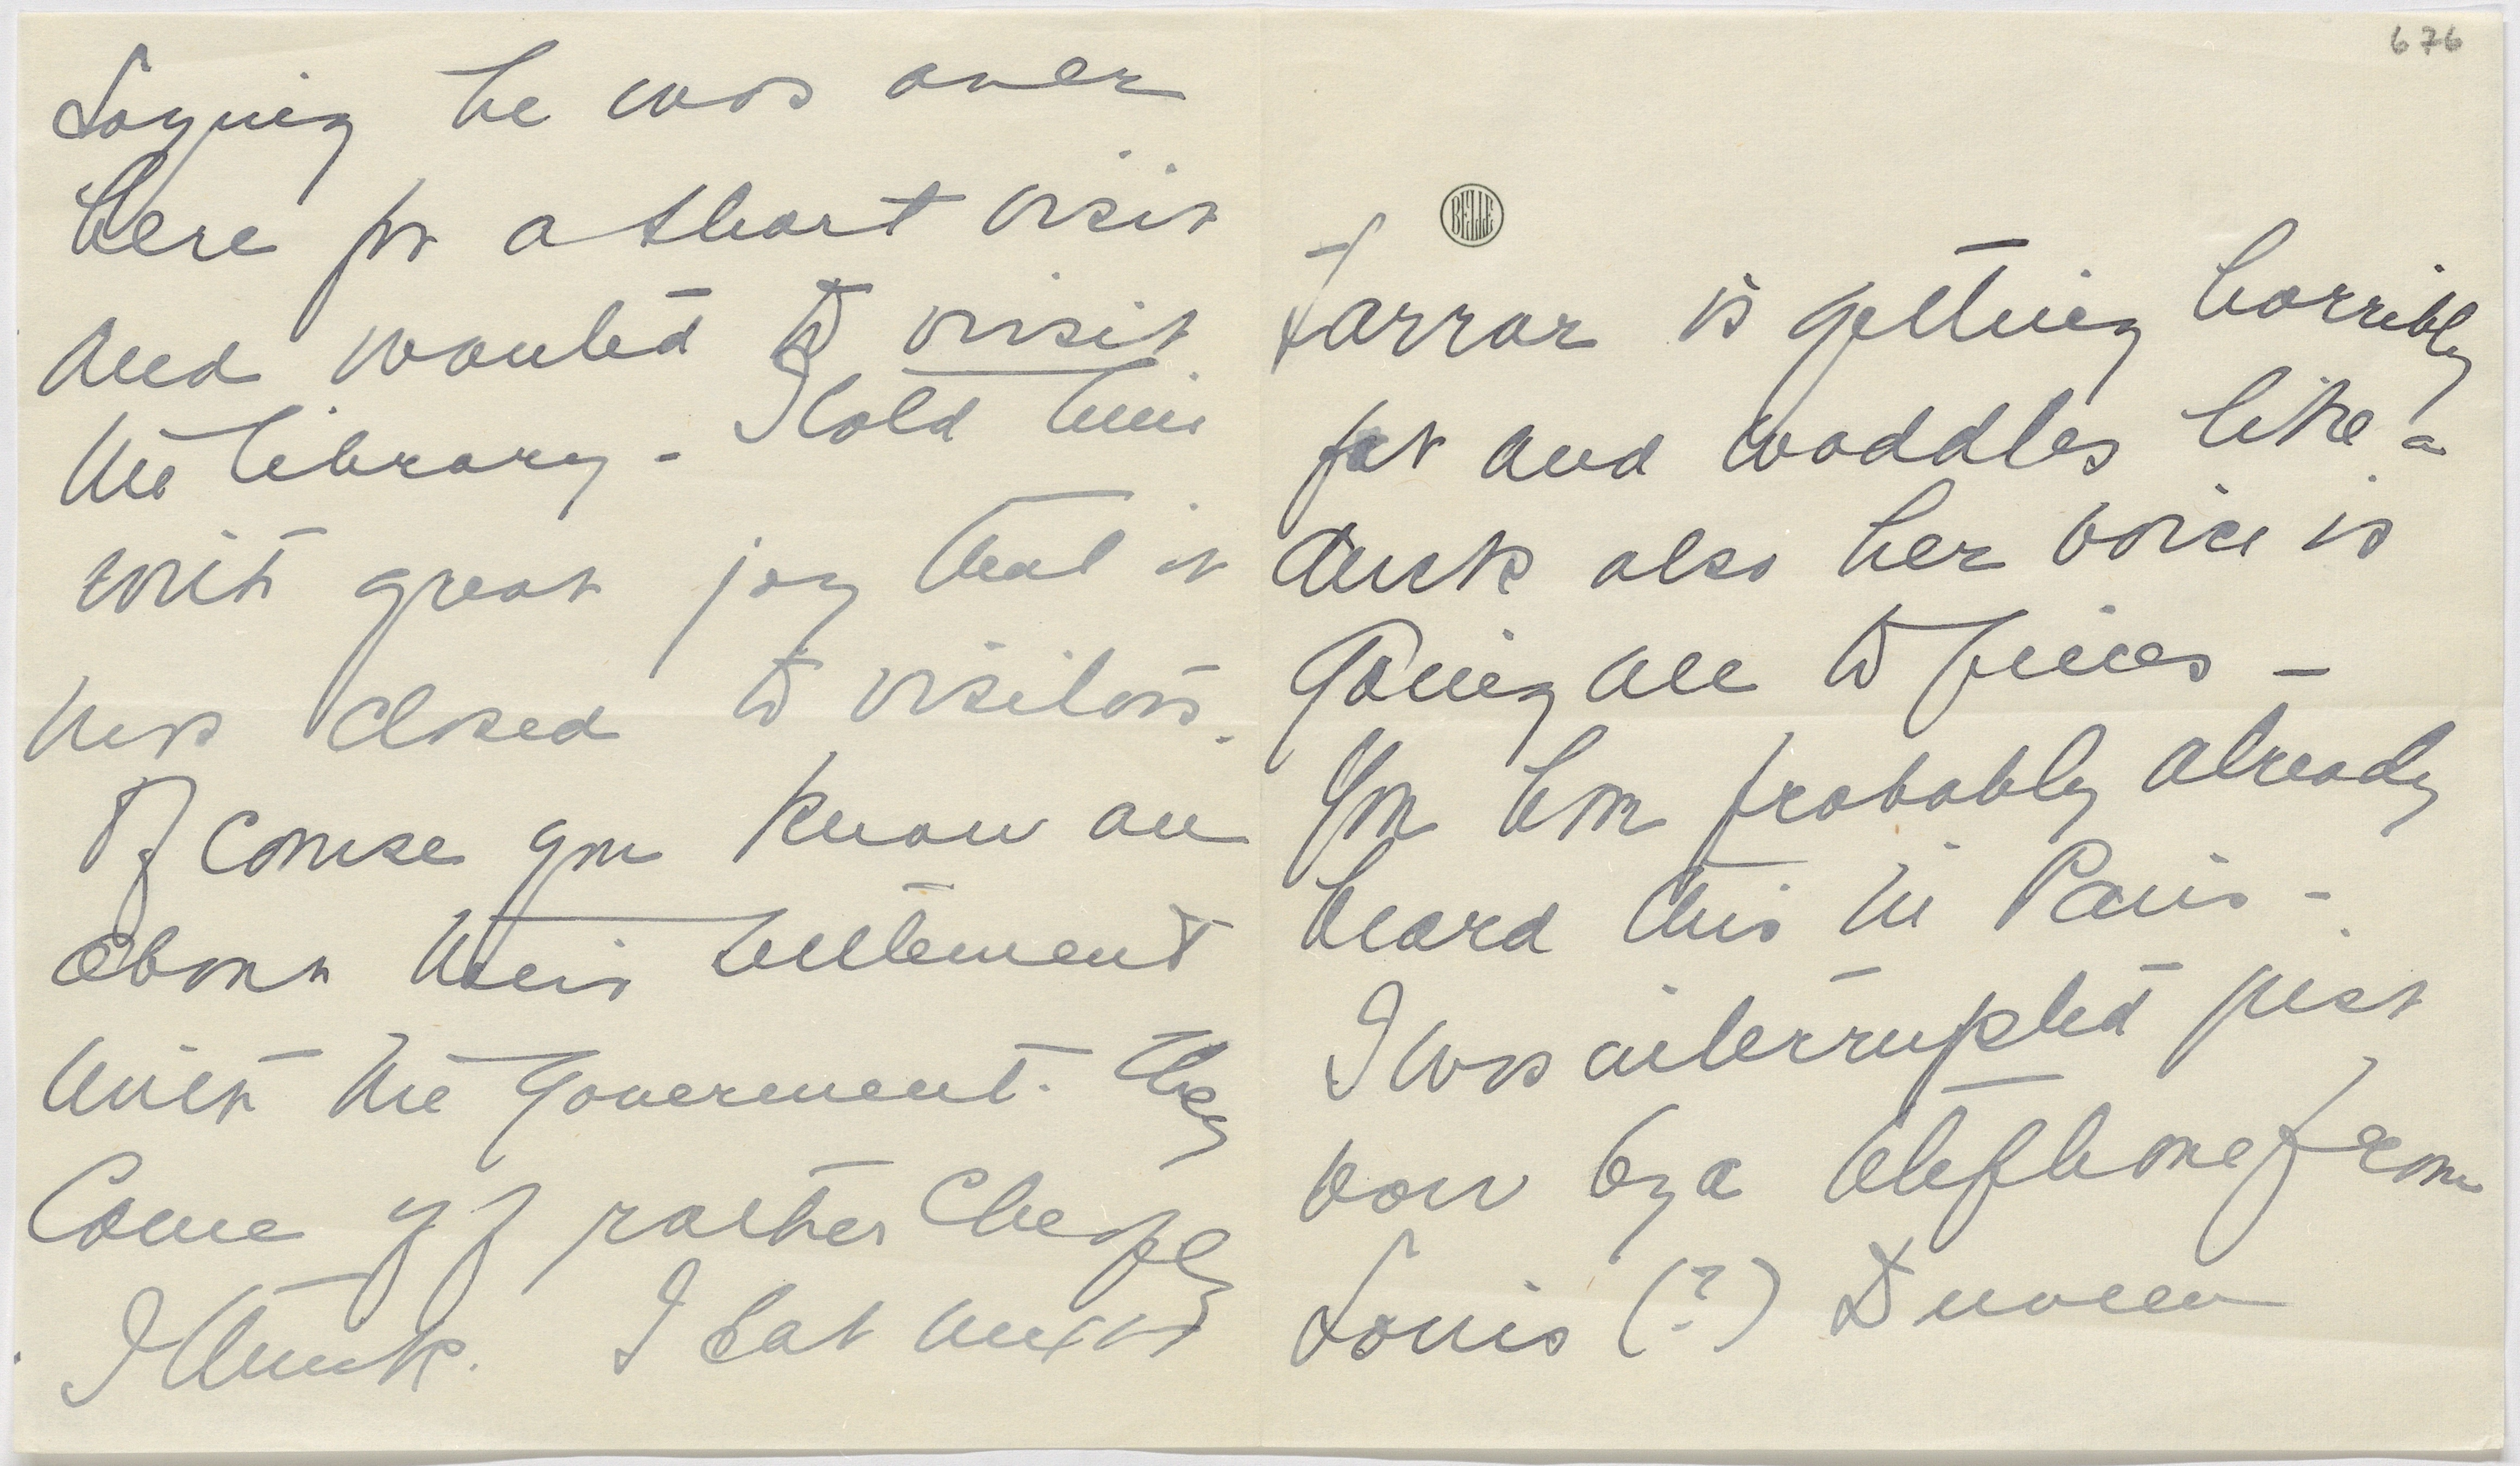Farrar is getting horribly fat and waddles like a duck also her voice is Going all to pieces –
You have probably already heard this in Paris –
I was interrupted just now by a telephone from Louis (?) Duveen
saying he was over here for a short visit and wanted to visit the library – I told him with great joy that it was closed to visitors. of course you know all about their settlement with the Government. They came off rather cheaply I think. I sat next